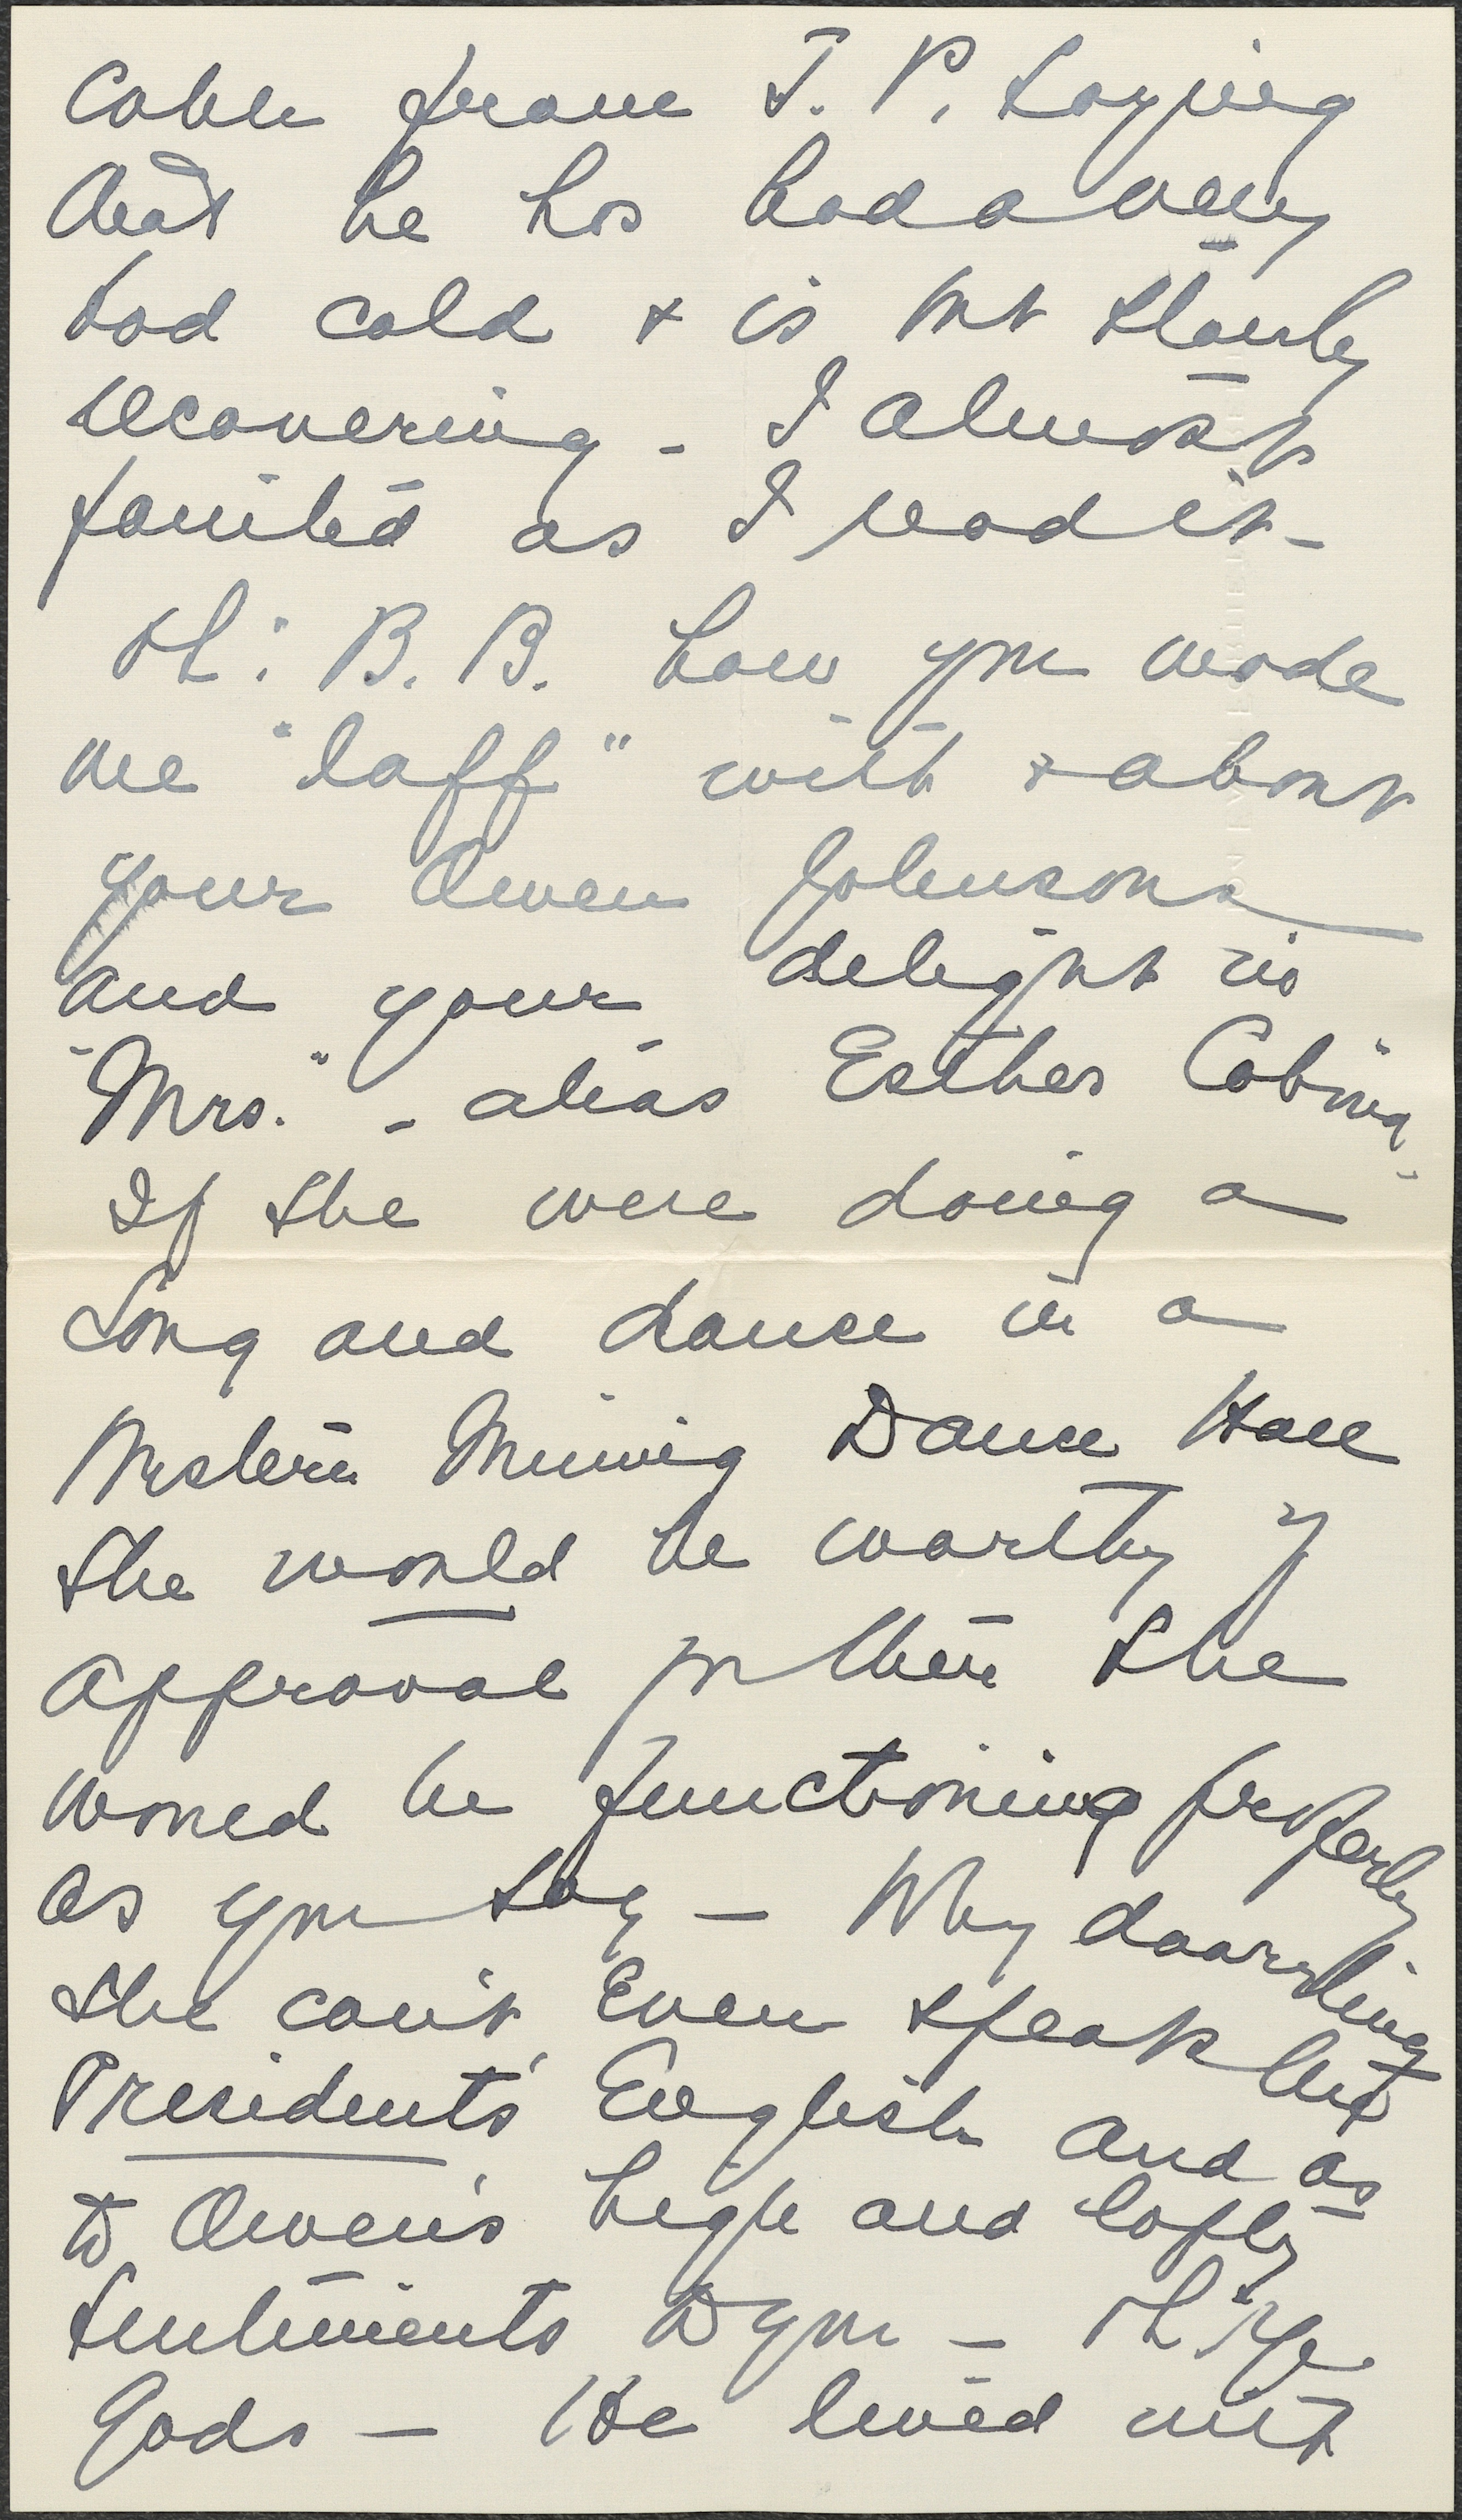cable from J. P. saying that he has had a very bad cold & is but slowly recovering – I almost fainted as I read it – oh: B. B. how you made me “laff” with & about your Owen Johnsons and your delight in “Mrs.” – alias Esther Cobina. If she were doing a song and dance in a Western mining Dance Hall she would be worthy of approval for there she would be functioning properly as you say – Why darling she can’t even speak the President’s English and as to Owen’s high and lofty sentiments to you – oh ye gods – He lived with